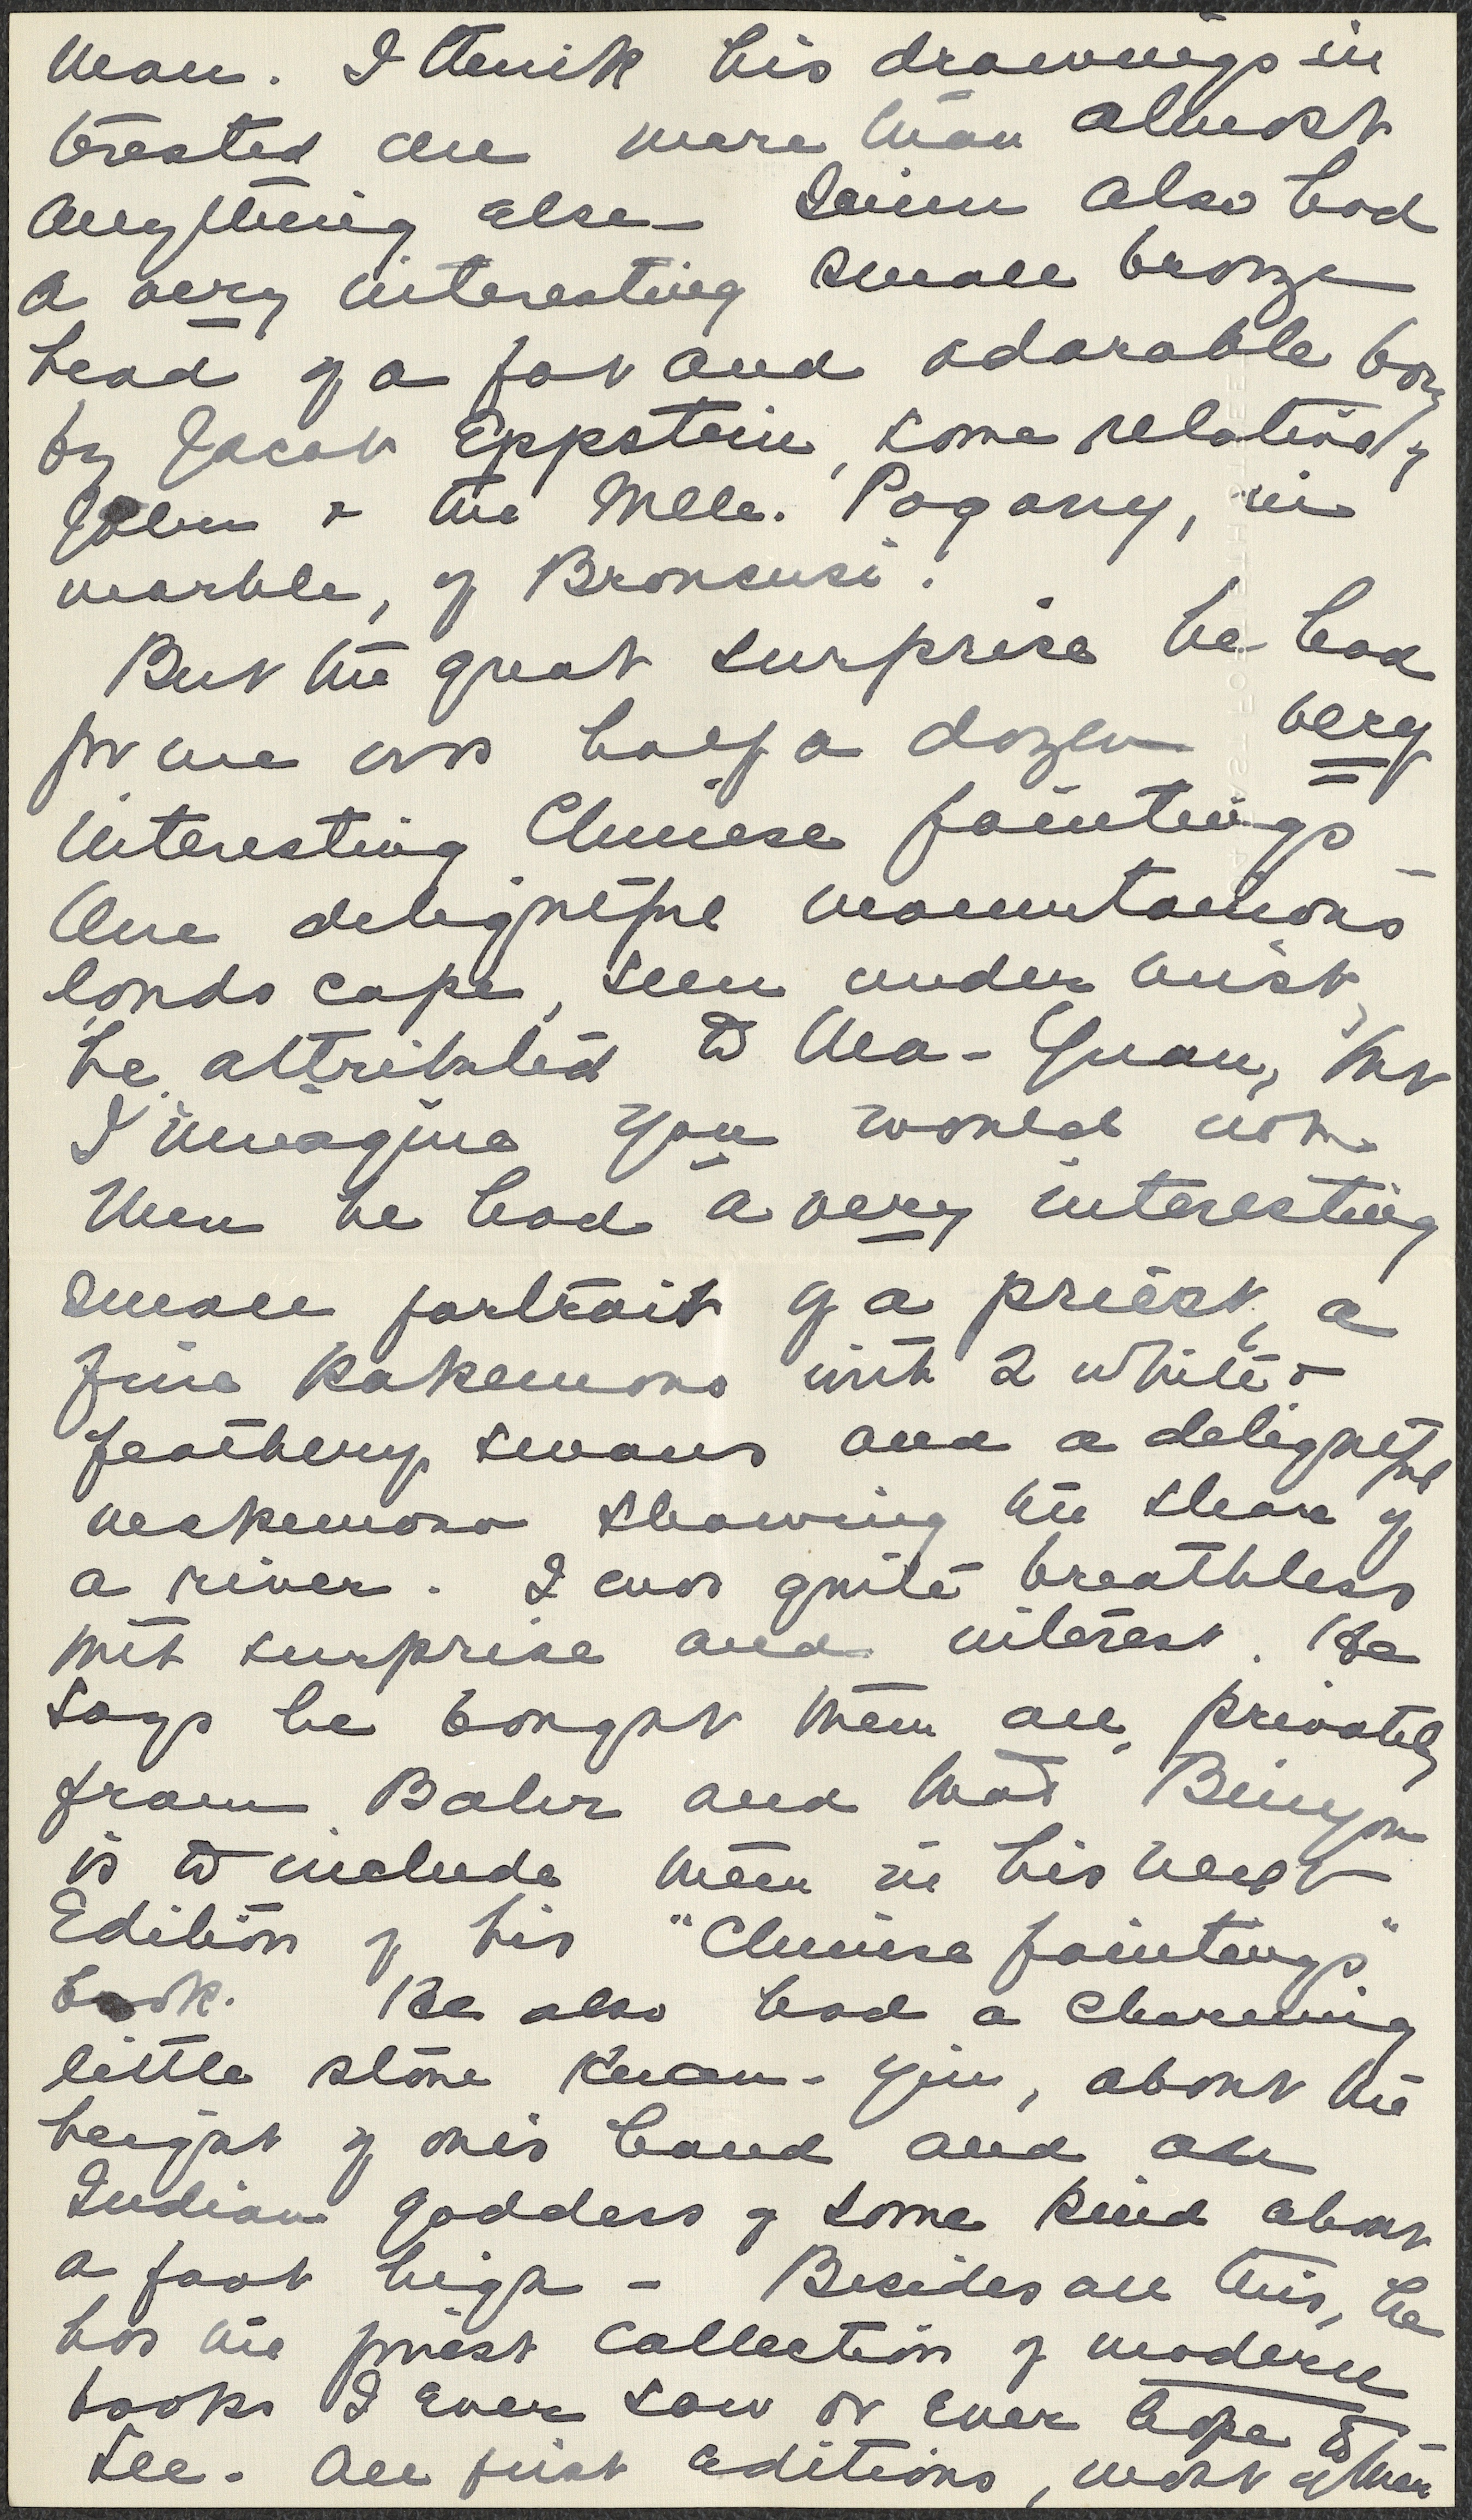man. I think his drawings interested me more than almost anything else – Quinn also had a very interesting small bronze head of a fat and adorable boy by Jacob Eppstein, some relative of John & the Mlle. Pogany, in marble, of Brancusi.
But the great surprise he had for me was half a dozen [double underlined: very] interesting Chinese paintings – One delightful mountainous landscape, seen under mist, he attributed to Ma-Yuan, but I imagine you would not. Then he had a very interesting small portrait of a priest, a fine kakemono with 2 white & feathery swans and a delightful makemono showing the shore of a river. I was quite breathless with surprise and interest. He says he bought them all, privately from Bahr and that Binyon is to include them in his next edition of his “Chinese paintings” book. He also had a charming little stone Kwan-yin, about the height of one’s hand and an Indian goddess of some kind about a foot high – Besides all this, he has the finest collection of modern books I ever saw or ever hope to see – All first editions, most of them